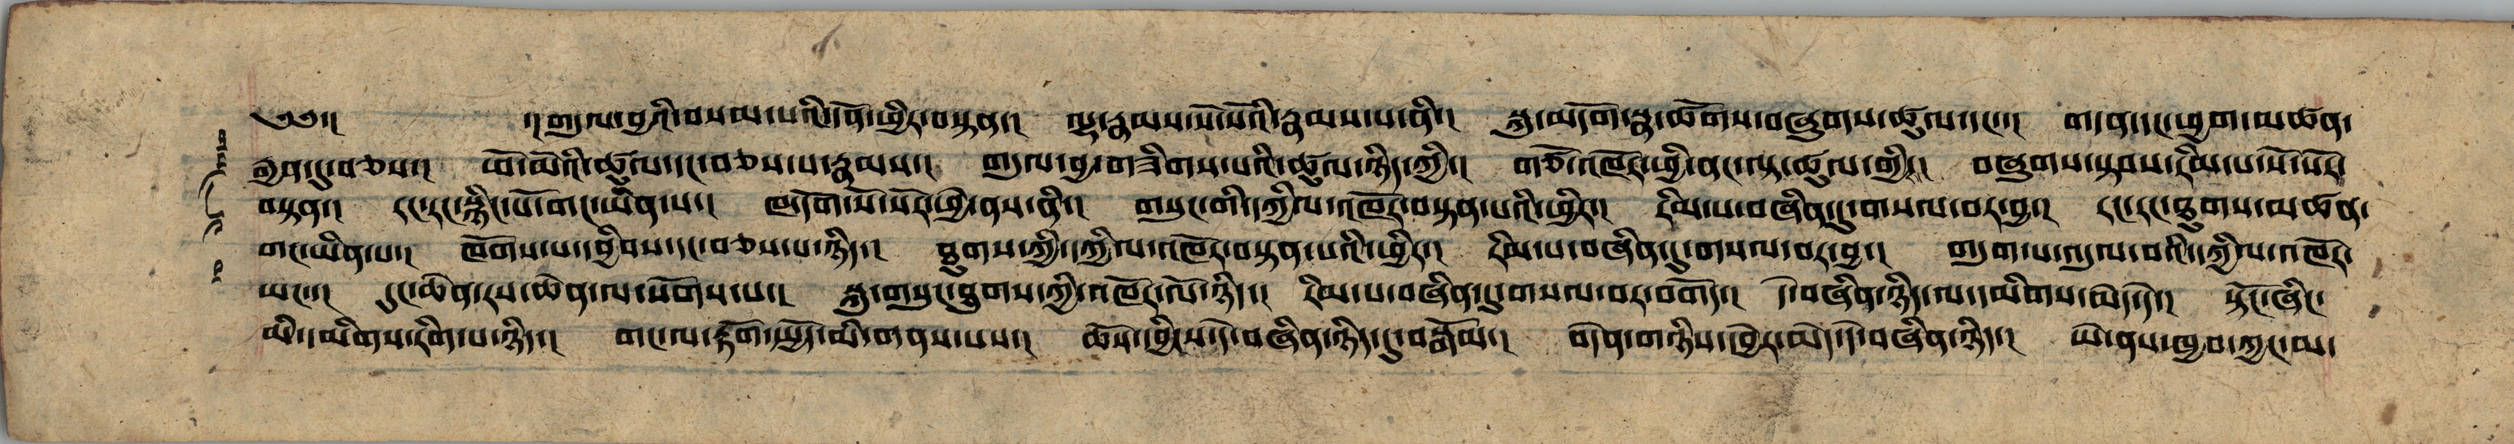༄༅་། ་།གདུལ་བྱའི་བསམ་པའི་དོན་ཕྱིར་བསྟན་། ལྷ་རྣམས་སོ་སོའི་རྣམས་པ་ནི་། སྐུ་མདོག་སྣ་ཚོགས་བཞུགས་ཚུལ་དང་་། གདན་དང་ཕྱག་མཚན་
རྒྱན་དུ་བཅས་། ཕོ་མོའི་ཚུལ་དང་བཅས་པ་རྣམས་། གདུལ་བྱ་གཟིགས་པའི་ཚུལ་ཉིད་ཀྱི་། གཙོ་འཁོར་ཕྱི་ནང་ལྟ་ཚུལ་གྱི་། བཞུགས་སྟབས་རིམ་པ་སོ་སོར་
བསྟན་། རང་རང་སྙིང་པོ་གང་ཡིན་པ་། ཁ་དོག་སོ་སོར་ཕྱེ་ནས་ནི་། གསུང་གི་དཀྱིལ་འཁོར་བསྟན་པའི་ཕྱིར་། རིམ་པ་བཞིན་དུ་གསལ་བར་བྱ་། རང་རང་ཐུགས་མཚན་
གང་ཡིན་པ་། ཁོགས་པ་དབྱིབས་དང་བཅས་པ་ཉིད་། ཐུགས་ཀྱི་དཀྱིལ་འཁོར་བསྟན་པའི་ཕྱིར་། རིམ་པ་བཞིན་དུ་གསལ་བར་བྱ་། གདུག་པ་འདུལ་བའི་དཀྱིལ་འཁོར་
ཡང་་། དུང་ཆེན་རས་ཆེན་ལ་སོགས་པ་། སྐུ་གསུང་ཐུགས་ཀྱི་འཁོར་ལོ་ཉིད་། རིམ་པ་བཞིན་དུ་གསལ་བར་བགོད་། དེ་བཞིན་ཉིད་ལ་དམིགས་མེད་དེ་། སྟོང་ཞིང་
མི་དམིགས་རིག་པ་ཉིད་། གང་ལ་རྟོག་སྤྱོད་མི་གནས་པས་། ཆོས་དབྱིངས་དེ་བཞིན་ཉིད་དུ་བསྒོམ་། བདེན་གཉིས་དབྱེར་མེད་དེ་བཞིན་ཉིད་། ཡེ་ནས་ཁྱབ་ཀྱང་མ་